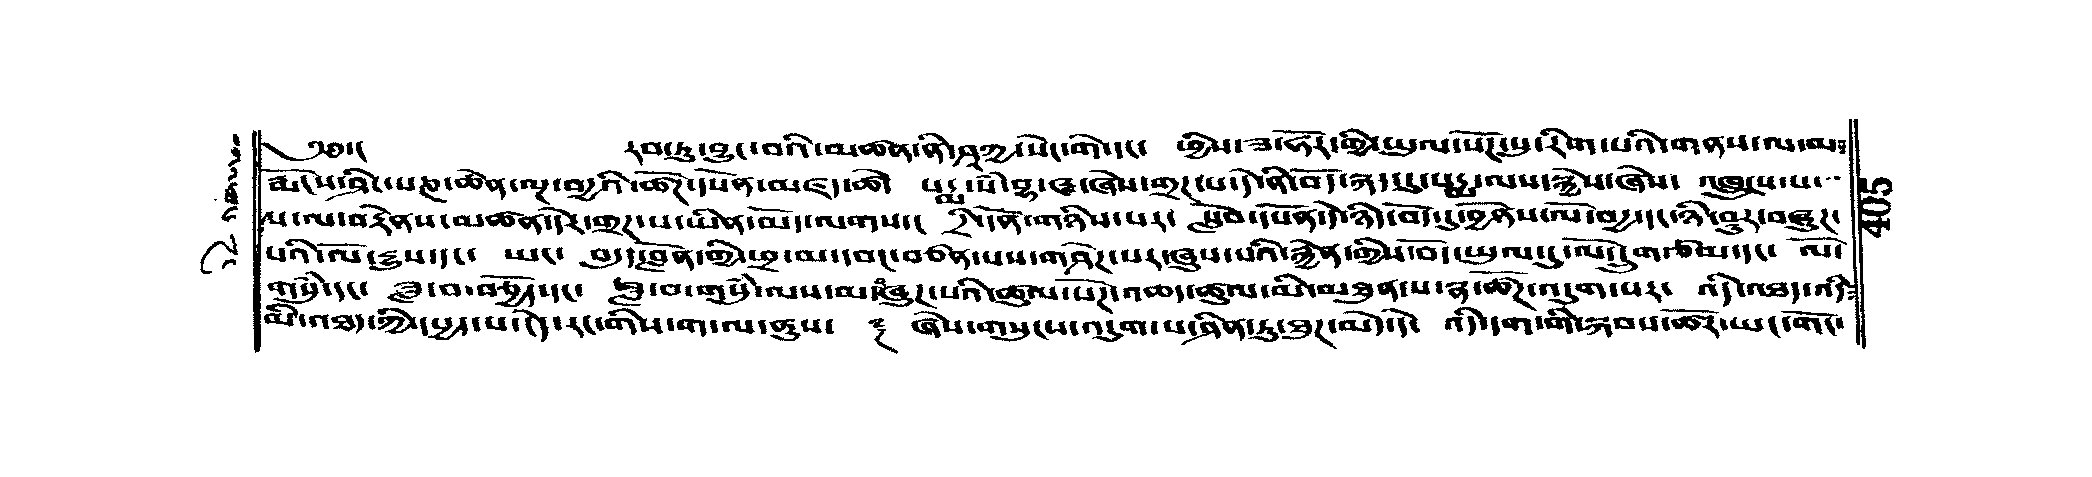རབ་ཏུ་བྱུང་བའི་མཚན་ནི་ཤཱཀྱ་སེངྒེ་དང་། ཕྱིས་ཟ་ཧོར་གྱི་ཡུལ་སོགས་སུ་རིག་པའི་གནས་ལ་མ་
རྨོངས་ཤིང་པཎ་ཆེན་ལྔ་བརྒྱའི་ཚོགས་དཔོན་མཛད་ཚེ། པདྨ་སམ་བྷ་ཝ་ཞེས་གྲགས་པ་དེ་ནི་བོད་སྐད་དུ་པདྨ་ལས་སྐྱེས་ཞེས། འཁྲུངས་
པ་ལ་བརྟེན་ནས་མཚན་དེར་གྲགས་པ་ཡིན་མོད་ལགས། དྲི་དོན་གཉིས་པར། སློབ་དཔོན་དེ་ཉིད་བོད་དུ་བྱོན་ནས་ལོ་བརྒྱ་དང་ཉི་ཤུར་བཞུགས་
པའི་ལོ་རྒྱུས་དང་། ཡང་། བདུད་བློན་གྱི་ཕྲ་མ་དབང་བཙན་པས་གཤེགས་པར་ཞུས་པའི་རྐྱེན་གྱིས་བོད་ཡུལ་དུ་ལོ་དྲུག་ཙམ་དང་། ལོ་
གསུམ་དང་། ཟླ་བ་བཅོ་བརྒྱད་དང་། ཟླ་བ་གསུམ་ལས་མ་བཞུགས་པའི་ཚུལ་སོགས་འཆད་ཚུལ་མི་མཐུན་པ་སྣ་ཚོགས་འདུག་པར། འདི་འཐད་འདི་
མི་འཐད་ཀྱི་དཔྱད་པ་ངེད་རང་གིས་ག་ལ་ནུས། ༈ ཞེས་གསུངས་འདུག་པ་ཤིན་ཏུ་ཐུགས་མད་དེ། འདི་དག་གི་སྐབས་ཚོར་ཡང་གོང་